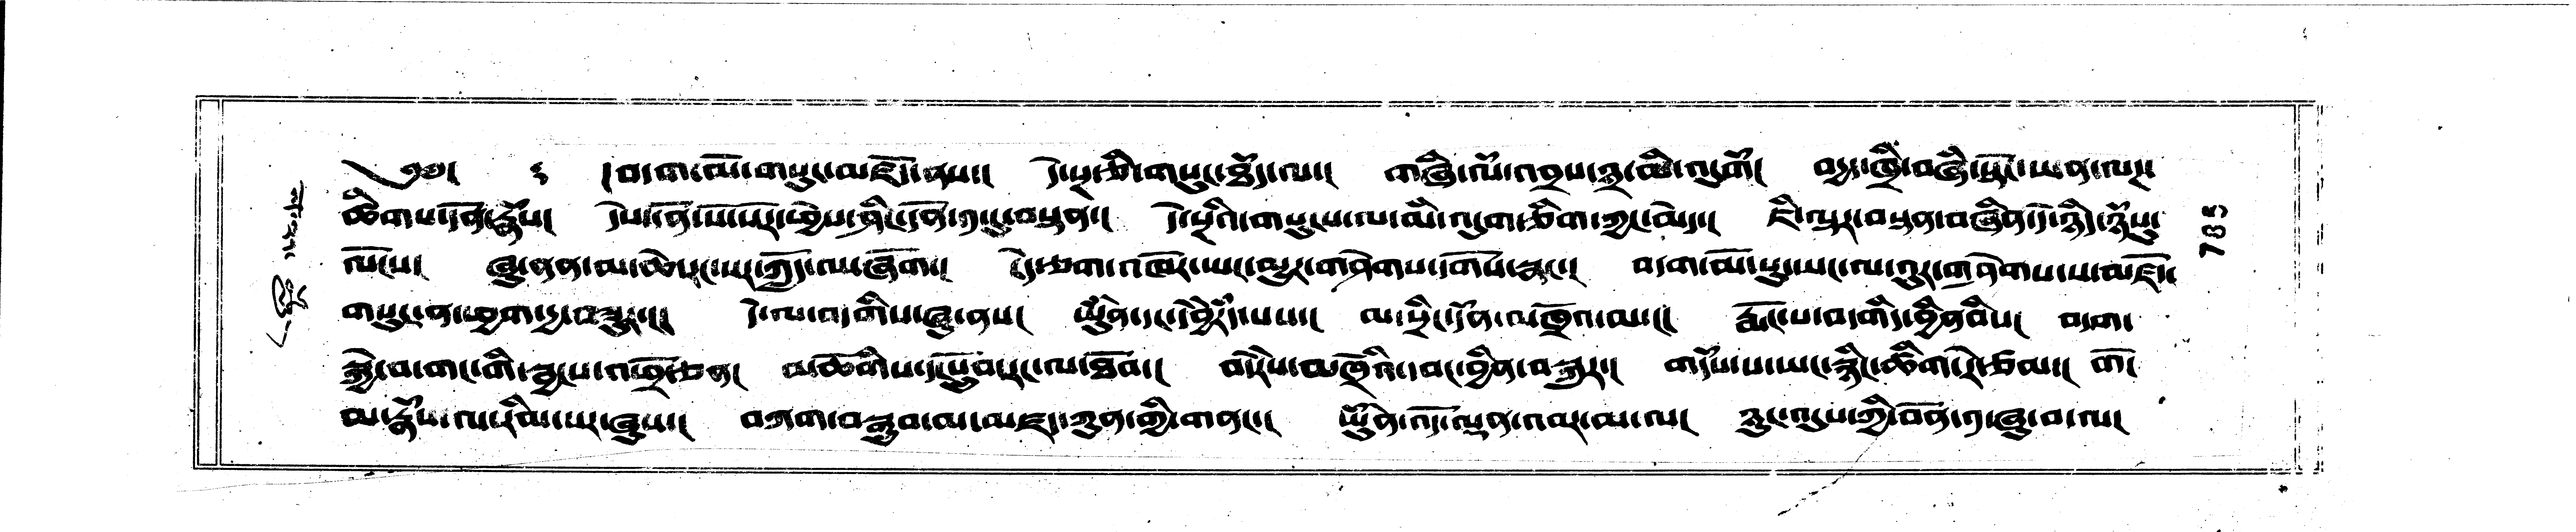བདག་མོ་གསུང་མཛོད་ནས། དེ་སྔ་ཅི་གསུངས་ཐམས་ཅད་ལ། །གཞི་ལམ་འབྲས་གསུམ་མི་འདུག་གམ། །བརྒྱད་ཁྲི་བཞི་སྟོང་ཡན་ལག་
ཚིག་དོན་རྣམས། །དཔེ་དོན་སོ་སོར་ཕྱེས་ཤིང་དོན་གཅིག་ཏུ་བསྟན། །དེ་སྔའི་གསུངས་ལ་མི་འདུག་གཅིག་ཀྱང་མེད། །ཇི་ལྟར་བསྟན་བཞིན་དེ་ཉིད་ཉམས་སུ་
ལོངས། །ཞུ་ནན་མ་ཆེ་རང་སར་ཀློད་ལ་ཞོག །ངེད་ཅག་འཁོར་ཡང་མྱུར་གཤེགས་དགོས་སྣང་། བདག་མོ་སུ་ཡང་ལ་འུར་གཤེགས་པ་མཛོད་
གསུངས་ནས་ཕྱག་རྒྱ་བཟུར། དེ་ལ་བདག་གིས་ཞུ་ནས། ཡུམ་ཆེན་དང་དབྱེར་མེད་པ། མ་སྲིང་དམ་ཅན་མཁའ་འགྲོ་མ། །རྨོངས་པ་བདག་ཉིད་བྱིན་གྱིས་རློབས། །བདག་
སྐྱེ་བ་གོང་གི་སྦྱངས་འཕྲོ་ཅན། །མཆོག་གིས་དངོས་གྲུབ་རང་ལ་ཐོབ། །བདེར་གཤེགས་མཁའ་འགྲོའི་དབང་བྱིན་བསྐུར། །གདམས་པ་ཡང་སྙིང་ཚིག་རེ་ཙམ། །གོང་
མ་རྣམས་ལ་རིམ་པར་ཞུས། །བཀག་བསྒྲུབ་མ་མཛད་ཀུན་གྱིས་གནང་། །ཡུམ་ཆེན་འོད་ལྡན་འབར་མ་ལ། ཉུང་འདུས་གྱི་བོན་ཅིག་ཞུ་བ་ལ། །